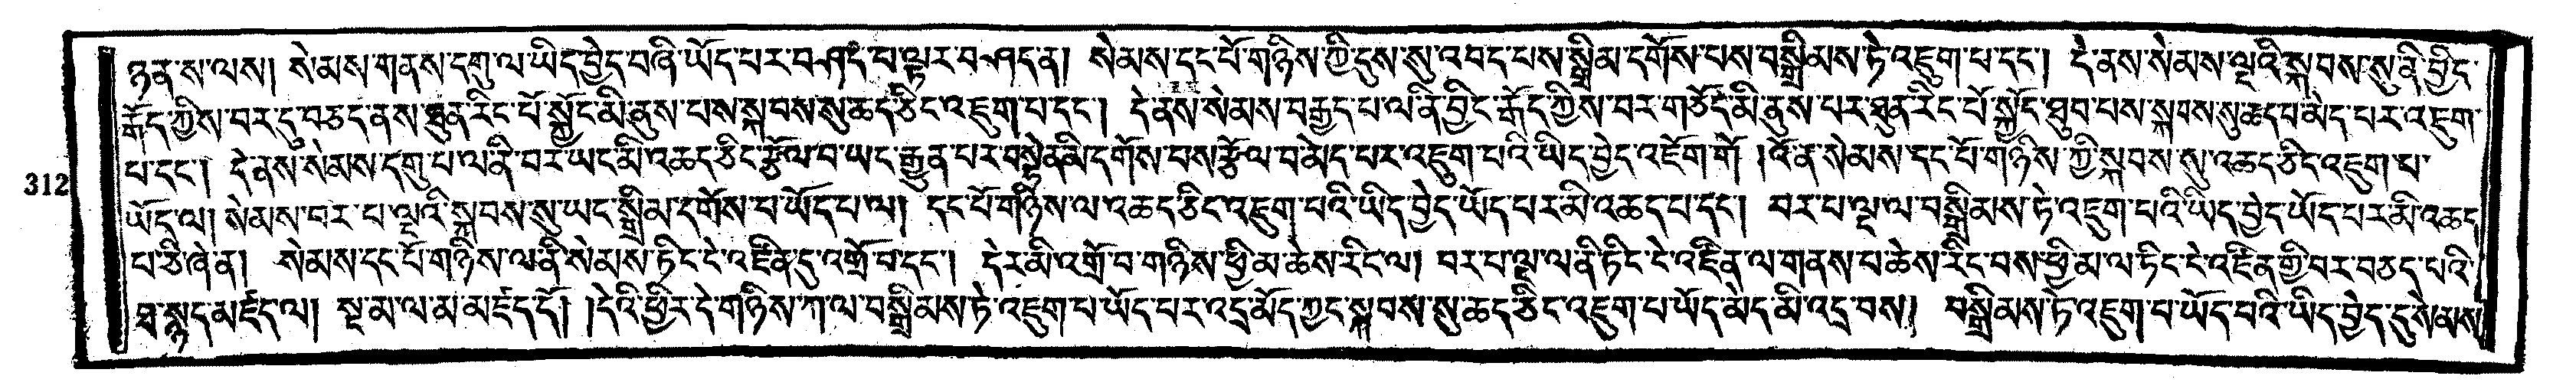ཉན་ས་ལས། སེམས་གནས་དགུ་ལ་ཡིད་བྱེད་བཞི་ཡོད་པར་བཤད་པ་ལྟར་བཤད་ན། སེམས་དང་པོ་གཉིས་ཀྱི་དུས་སུ་འབད་པས་སྒྲིམ་དགོས་པས་བསྒྲིམས་ཏེ་འཇུག་པ་དང་། དེ་ནས་སེམས་ལྔའི་སྐབས་སུ་ནི་བྱིང་
རྒོད་ཀྱིས་བར་དུ་བཅད་ནས་ཐུན་རིང་པོ་སྐྱོང་མི་ནུས་པས་སྐབས་སུ་ཆད་ཅིང་འཇུག་པ་དང་། དེ་ནས་སེམས་བརྒྱད་པ་ལ་ནི་བྱིང་རྒོད་ཀྱིས་བར་གཅོད་མི་ནུས་པར་ཐུན་རིང་པོ་སྐྱོད་ཐུབ་པས་སྐབས་སུ་ཆད་པ་མེད་པར་འཇུག་
པ་དང་། དེ་ནས་སེམས་དགུ་པ་ལ་ནི་བར་ཡང་མི་འཆད་ཅིང་རྩོལ་བ་ཡང་རྒྱུན་པར་བསྟེན་མི་དགོས་པས་རྩོལ་བ་མེད་པར་འཇུག་པའི་ཡིད་བྱེད་འཇོག་གོ །འོ་ན་སེམས་དང་པོ་གཉིས་ཀྱི་སྐབས་སུ་འཆད་ཅིང་འཇུག་པ་
ཡོད་ལ། སེམས་བར་པ་ལྔའི་སྐབས་སུ་ཡང་སྒྲིམ་དགོས་པ་ཡོད་པ་ལ། དང་པོ་གཉིས་ལ་འཆད་ཅིང་འཇུག་པའི་ཡིད་བྱེད་ཡོད་པར་མི་འཆད་པ་དང་། བར་པ་ལྔ་ལ་བསྒྲིམས་ཏེ་འཇུག་པའི་ཡིད་བྱེད་ཡོད་པར་མི་འཆད་
པ་ཅི་ཞེ་ན། སེམས་དང་པོ་གཉིས་ལ་ནི་སེམས་ཏིང་ངེ་འཛིན་དུ་འགྲོ་བ་དང་། དེར་མི་འགྲོ་བ་གཉིས་ཕྱི་མ་ཆེས་རིང་ལ། བར་པ་ལྔ་ལ་ནི་ཏིང་ངེ་འཛིན་ལ་གནས་པ་ཆེས་རིང་བས་ཕྱི་མ་ལ་ཏིང་ངེ་འཛིན་གྱི་བར་བཅད་པའི་
ཐ་སྙད་མཛད་ལ། སྔ་མ་ལ་མ་མཛད་དོ། །དེའི་ཕྱིར་དེ་གཉིས་ཀ་ལ་བསྒྲིམས་ཏེ་འཇུག་པ་ཡོད་པར་འདྲ་མོད་ཀྱང་སྐབས་སུ་ཆད་ཅིང་འཇུག་པ་ཡོད་མེད་མི་འདྲ་བས། བསྒྲིམས་ཏེ་འཇུག་པ་ཡོད་པའི་ཡིད་བྱེད་དུ་སེམས་